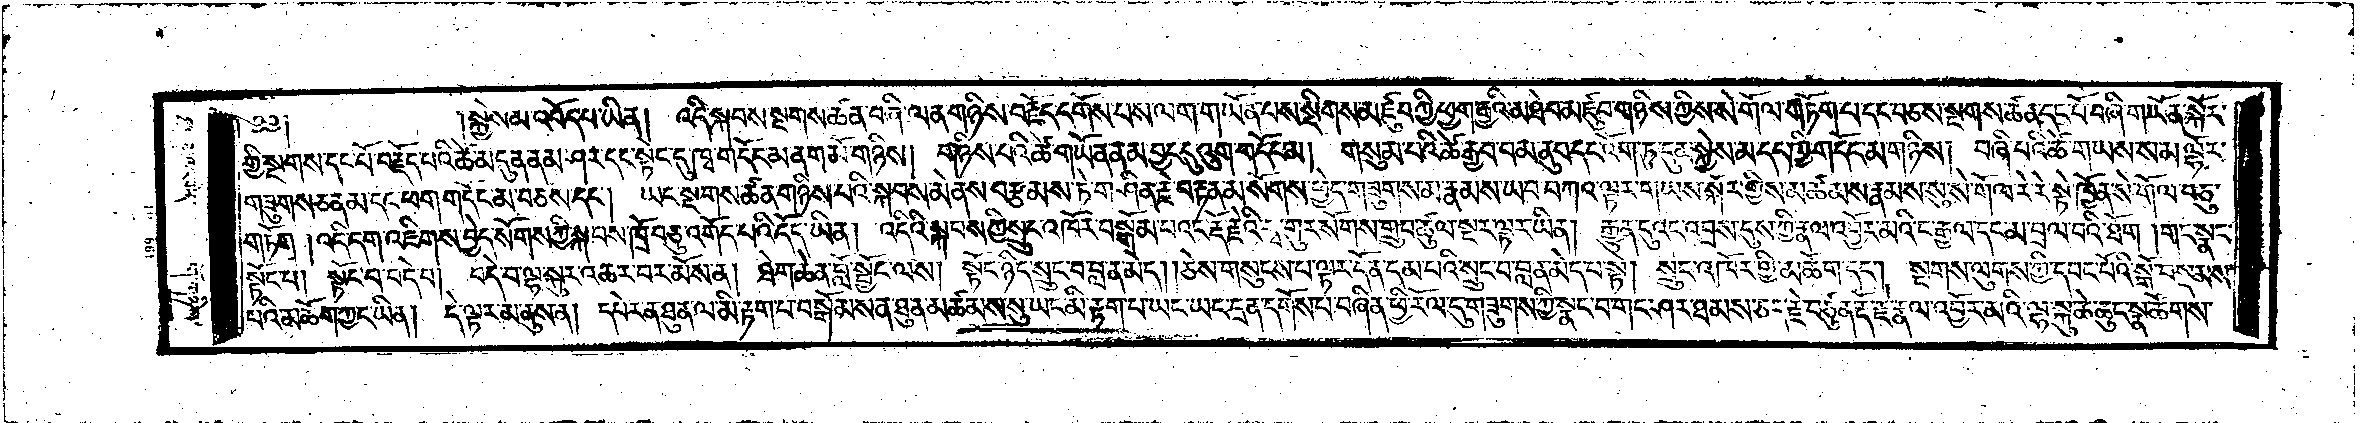༄༅། །སྐྱེས་མ་འབོད་པ་ཡིན། འདི་སྐབས་སྔགས་ཚན་བཞི་ལན་གཉིས་བརྗོད་དགོས་པས་ལག་གཡོན་པས་སྡིགས་མཛུབ་ཀྱི་ཕྱག་རྒྱའི་མཐེབ་མཛུབ་གཉིས་ཀྱིས་སེ་གོལ་གཏོག་པ་དང་བཅས་སྔགས་ཚན་དང་པོ་བཞི་གཡོན་སྐོར་
གྱི་སྔགས་དང་པོ་བརྗོད་པའི་ཚེ་མདུན་ནམ་ཤར་དང་སྟེང་དུ་ཁྭ་གདོང་མ་ནག་མོ་གཉིས། གཉིས་པའི་ཚེ་གཡོན་ནམ་བྱང་དུ་འུག་གདོང་མ། གསུམ་པའི་ཚེ་རྒྱབ་བམ་ནུབ་དང་འོག་ཏུ་དུམ་སྐྱེས་མ་དང་ཁྱི་གདོང་མ་གཉིས། བཞི་པའི་ཚེ་གཡས་སམ་ལྷོར་
གཟུགས་ཅན་མ་དང་ཕག་གདོང་མ་བཅས་དང་། ཡང་སྔགས་ཚན་གཉིས་པའི་སྐབས་མེ་ནས་བརྩམས་ཏེ་གཤིན་རྗེ་བརྟན་མ་སོགས་ཕྱེད་གཟུགས་མ་རྣམས་ཡབ་བཀའ་ལྟར་གཡས་སྐོར་གྱིས་མཚམས་རྣམས་སུ་སེ་གོལ་རེ་རེ་སྟེ་ཁྱོན་སེ་གོལ་བཅུ་
གཏོག །འདི་དག་འཇིགས་བྱེད་སོགས་ཀྱི་སྐབས་ཁྲོ་བཅུ་འགོད་པའི་དོད་ཡིན། འདིའི་སྐབས་ཀྱི་སྲུང་འཁོར་བསྒོམ་པའང་རྡོ་རྗེའི་རྭ་གུར་སོགས་གྲུབ་ཚུལ་སྔར་ལྟར་ཡིན། རྒྱུན་དུའང་འབྲས་དུས་ཀྱི་རྣལ་འབྱོར་མའི་ང་རྒྱལ་དང་མ་བྲལ་བའི་ཐོག །གང་སྣང་
སྟོང་པ། སྟོང་བ་བདེ་བ། བདེ་བ་ལྷ་སྐུར་འཆར་བར་མོས་ན། ཐེག་ཆེན་བློ་སྦྱོང་ལས། སྟོང་ཉིད་སྲུང་བ་བླ་ན་མེད། །ཅེས་གསུངས་པ་ལྟར་དོན་དམ་པའི་སྲུང་བ་བླ་ན་མེད་པ་སྟེ། སྲུང་འཁོར་གྱི་མཆོག་དང་། སྔགས་ལུགས་ཀྱི་དབང་པོའི་སྒོ་བསྡམས་
པའི་མཆོག་ཀྱང་ཡིན། དེ་ལྟར་མ་ནུས་ན། དཔེར་ན་ཐུན་ལ་མི་རྟག་པ་བསྒོམས་ན་ཐུན་མཚམས་སུ་ཡང་མི་རྟག་པ་ཡང་ཡང་དྲན་དགོས་པ་བཞིན་ཕྱི་རོལ་དུ་གཟུགས་ཀྱི་སྣང་བ་གང་ཤར་ཐམས་ཅད་རྗེ་བཙུན་རྡོ་རྗེ་རྣལ་འབྱོར་མའི་ལྷ་སྐུ་ཆེ་ཆུང་སྣ་ཚོགས་